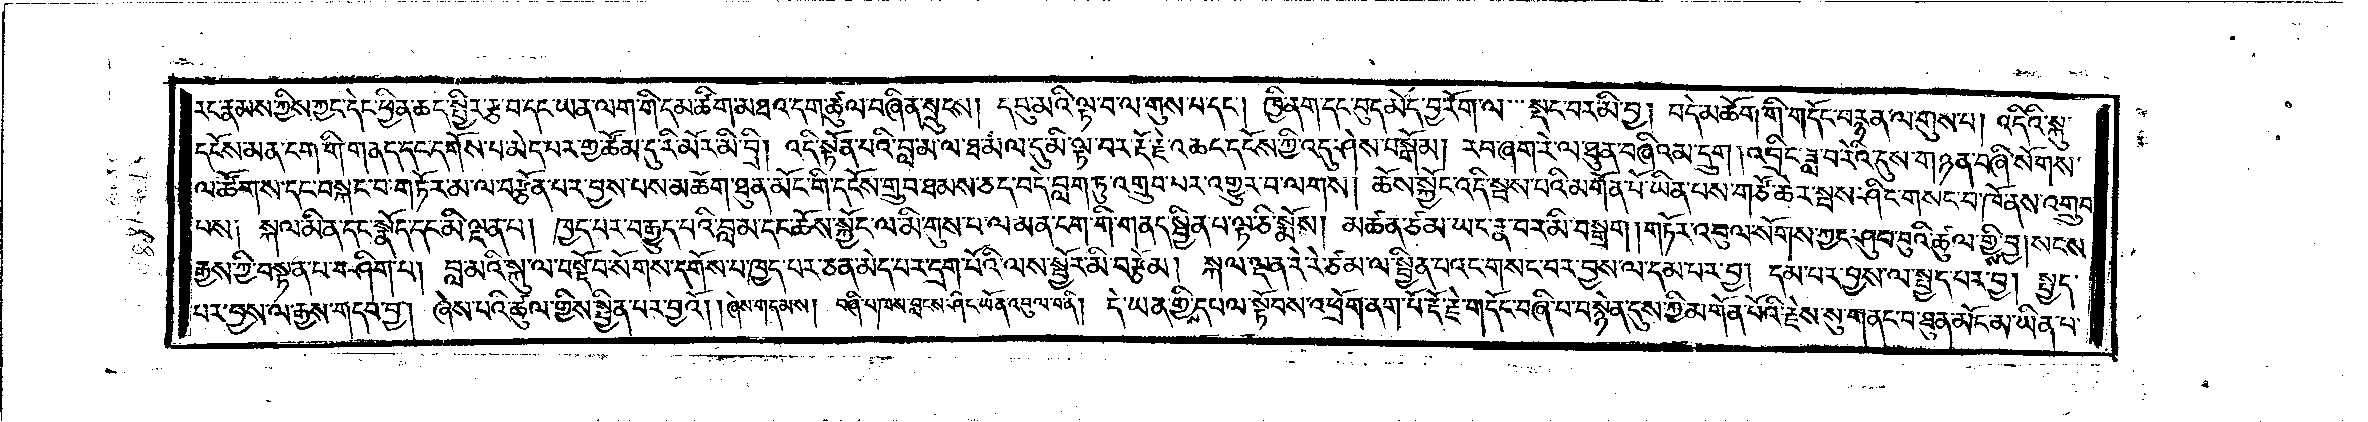རང་རྣམས་ཀྱིས་ཀྱང་དེང་ཕྱིན་ཆད་སྤྱིར་རྩ་བ་དང་ཡན་ལག་གི་དམ་ཚིག་མཐའ་དག་ཚུལ་བཞིན་སྲུངས། དབུ་མའི་ལྟ་བ་ལ་གུས་པ་དང་། ཁྱི་ནག་དང་བུད་མེད་བྱ་རོག་ལ་སྡང་བར་མི་བྱ། བདེ་མཆོག་གི་གདོང་བརྙན་ལ་གུས་པ། འདིའི་སྐུ་
དངོས་མན་ངག་གི་གནད་དང་དགོས་པ་མེད་པར་གྱ་ཚོམ་དུ་རི་མོར་མི་བྲི། འདི་སྟོན་པའི་བླ་མ་ལ་ཐ་མལ་དུ་མི་ལྟ་བར་རྡོ་རྗེ་འཆང་དངོས་ཀྱི་འདུ་ཤེས་བསྒོམ། རབ་ཞག་རེ་ལ་ཐུན་བཞིའམ་དྲུག །འབྲིང་ཟླ་བ་རེའི་དུས་གཉན་བཞི་སོགས་
ལ་ཚོགས་དང་བསྐང་བ་གཏོར་མ་ལ་བརྩོན་པར་བྱས་པས་མཆོག་ཐུན་མོང་གི་དངོས་གྲུབ་ཐམས་ཅད་བདེ་བླག་ཏུ་འགྲུབ་པར་འགྱུར་བ་ལགས། ཆོས་སྐྱོང་འདི་སྦས་པའི་མགོན་པོ་ཡིན་པས་གཙོ་ཆེར་སྦས་ཤིང་གསང་བ་ཁོ་ནས་འགྲུབ་
པས༑ སྐལ་མིན་དང་སྣོད་དང་མི་ལྡན་པ། ཁྱད་པར་བརྒྱུད་པའི་བླ་མ་དང་ཆོས་སྐྱོང་ལ་མི་གུས་པ་ལ་མན་ངག་གི་གནད་སྦྱིན་པ་ལྟ་ཅི་སྨོས། མཚན་ཙམ་ཡང་རྣ་བར་མི་བསྒྲག །གཏོར་འབུལ་སོགས་ཀྱང་ཤུབ་བུའི་ཚུལ་གྱིས་བྱ། སངས་
རྒྱས་ཀྱི་བསྟན་པ་བཤིག་པ། བླ་མའི་སྐུ་ལ་བསྡོ་བ་སོགས་དགོས་པ་ཁྱད་པར་ཅན་མེད་པར་དྲག་པོའི་ལས་སྦྱོར་མི་བརྩོམ། སྐལ་ལྡན་རེ་རེ་ཙམ་ལ་སྦྱིན་པའང་གསང་བར་བྱས་ལ་དམ་པར་བྱ། དམ་པར་བྱས་ལ་སྤྱད་པར་བྱ། སྤྱད་
པར་བྱས་ལ་རྒྱས་གདབ་བྱ། ཞེས་པའི་ཚུལ་གྱིས་སྦྱིན་པར་བྱའོ། །ཞེས་གདམས། བཞི་པ་ཁས་བླངས་ཤིང་ཡོན་འབུལ་བ་ནི།  དེ་ཡན་གྱིས་དཔལ་སྟོབས་འཕྲོག་ནག་པོ་རྡོ་རྗེ་གདོང་བཞི་པ་བསྙེན་དུས་ཀྱི་མགོན་པོའི་རྗེས་སུ་གནང་བ་ཐུན་མོང་མ་ཡིན་པ་